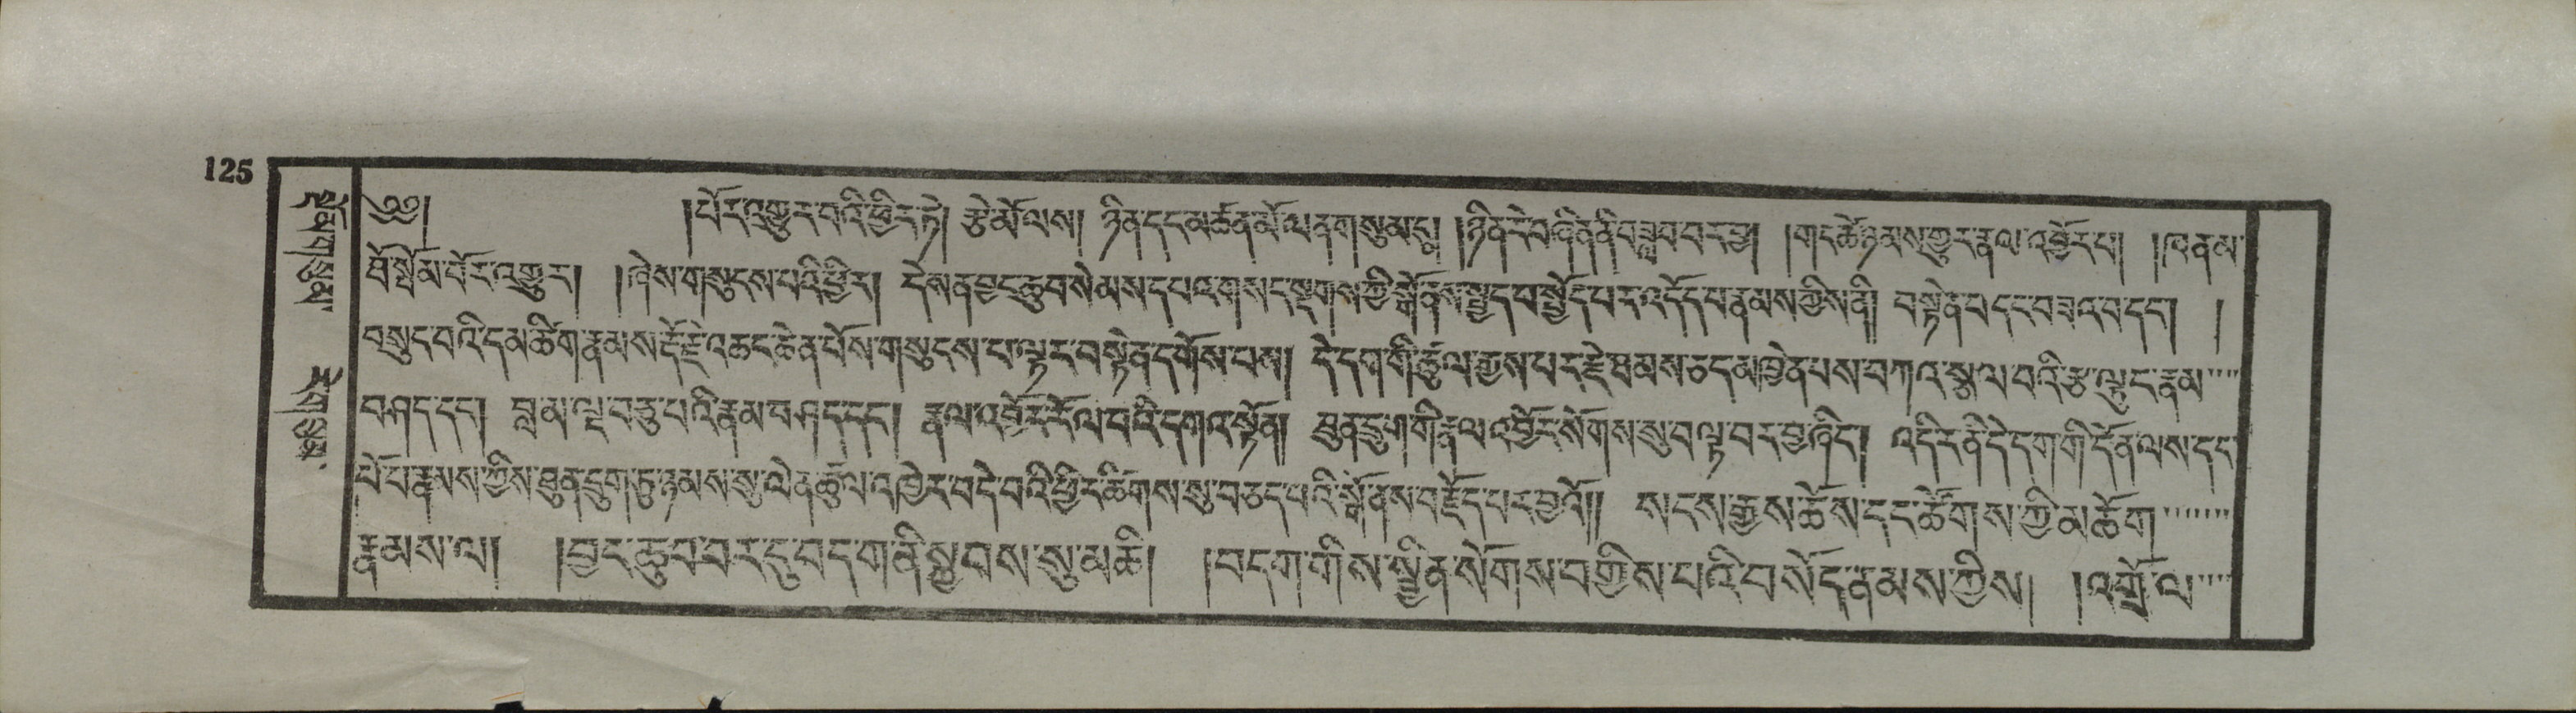༄༅། །པོར་འགྱུར་བའི་ཕྱིར་ཏེ། རྩེ་མོ་ལས། ཉིན་དང་མཚན་མོ་ལན་གསུམ་དུ། །ཉིན་རེ་བཞིན་ནི་བཟླབ་པར་བྱ། །གང་ཚེ་ཉམས་གྱུར་རྣལ་འབྱོར་པ། །ཁ་ན་མ་
ཐོ་སྤོམ་པོར་འགྱུར། །ཞེས་གསུངས་པའི་ཕྱིར། དེས་ན་བྱང་ཆུབ་སེམས་དཔའ་གསང་སྔགས་ཀྱི་སྒོ་ནས་སྤྱད་པ་སྤྱོད་པར་འདོད་པ་རྣམས་ཀྱིས་ནི། བསྟེན་པ་དང་བཟའ་བ་དང་། །
བསྲུང་བའི་དམ་ཚིག་རྣམས་རྡོ་རྗེ་འཆང་ཆེན་པོས་གསུངས་པ་ལྟར་བསྟེན་དགོས་པས། དེ་དག་གི་ཚུལ་རྒྱས་པར་རྗེ་ཐམས་ཅད་མཁྱེན་པས་བཀའ་སྩལ་བའི་རྩ་ལྟུང་རྣམ་
བཤད་དང་། བླ་མ་ལྔ་བཅུ་པའི་རྣམ་བཤད་དང་། རྣལ་འབྱོར་རོལ་བའི་དགའ་སྟོན། ཐུན་དྲུག་གི་རྣལ་འབྱོར་སོགས་སུ་བལྟ་བར་བྱ་ཞིང་། འདིར་ནི་དེ་དག་གི་དོན་ལས་དང་
པོ་བ་རྣམས་ཀྱིས་ཐུན་དྲུག་ཏུ་ཉམས་སུ་ལེན་ཚུལ་འཁྱེར་བདེ་བའི་ཕྱིར་ཚིགས་སུ་བཅད་པའི་སྒོ་ནས་བརྗོད་པར་བྱའོ།། སངས་རྒྱས་ཆོས་དང་ཚོགས་ཀྱི་མཆོག་
རྣམས་ལ། །བྱང་ཆུབ་བར་དུ་བདག་ནི་སྐྱབས་སུ་མཆི། །བདག་གིས་སྦྱིན་སོགས་བགྱིས་པའི་བསོད་ནམས་ཀྱིས། །འགྲོ་ལ་